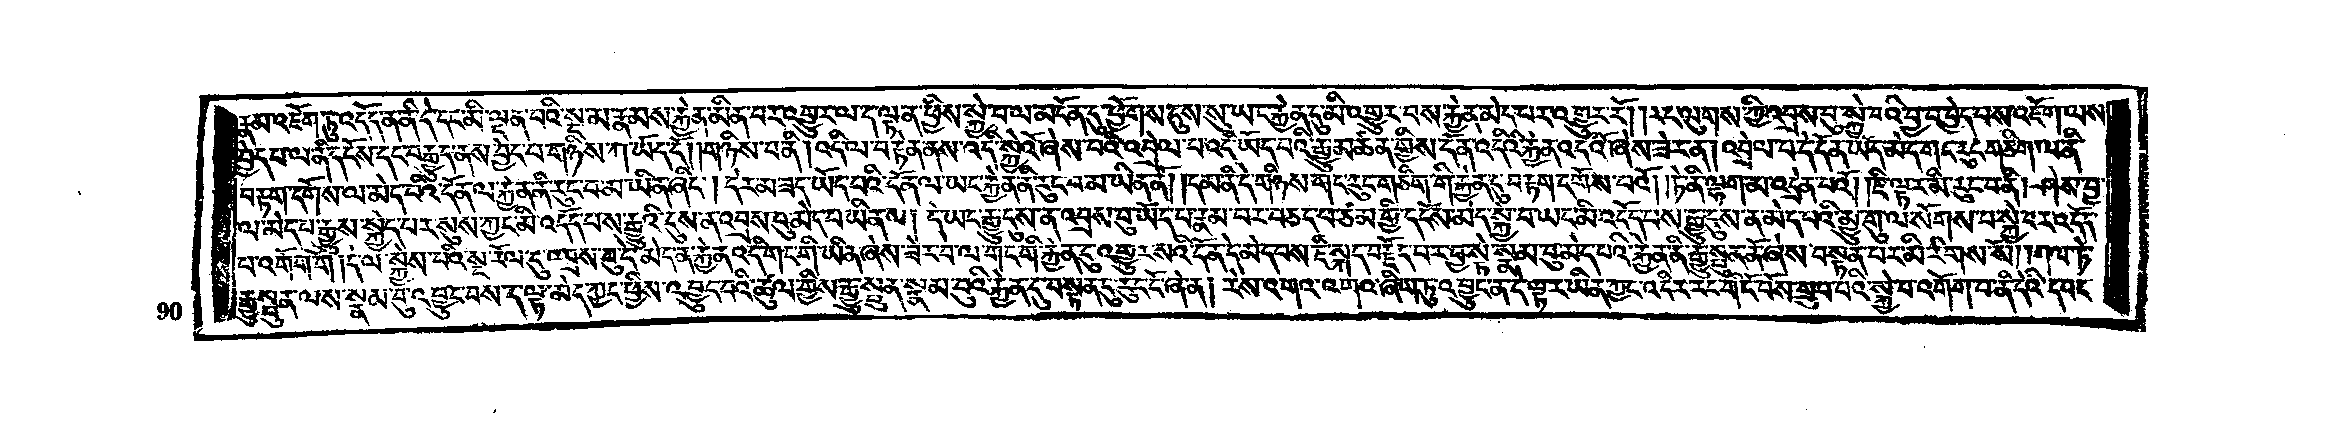རྣམ་འཇོག་ཏུ་འདོད་ན་ནི་དེ་དང་མི་ལྡན་པའི་སྔ་མ་རྣམས་རྐྱེན་མིན་པར་འགྱུར་ལ་ད་ལྟ་ན་ཕྱིས་སྐྱེ་བ་ལ་མངོན་དུ་ཕྱོགས་དུས་སུ་ཡང་རྐྱེན་དུ་མི་འགྱུར་བས་རྐྱེན་མེད་པར་འགྱུར་རོ། །རང་ལུགས་ཀྱི་འབྲས་བུ་སྐྱེ་བའི་བྱ་བ་བྱེད་པས་འཇོག་ལས་
བྱེད་པ་ལ་ནི་དངོས་དང་བརྒྱུད་ནས་བྱེད་པ་གཉིས་ཀ་ཡོད་དོ། །གཉིས་པ་ནི། འདི་ལ་བརྟེན་ནས་འདི་སྐྱེའོ་ཞེས་པའི་འབྲེལ་པ་འདི་ཡོད་པའི་རྒྱུ་མཚན་གྱིས་དོན་འདིའི་རྐྱེན་འདྀའོ་ཞེས་ཟེར་ན། འབྲེལ་བ་དེ་དོན་ཡོད་མེད་གང་དུ་རུང་གཅིག་ལ་ནི་
བརྟག་དགོས་ལ་མེད་པའི་དོན་ལ་རྐྱེན་ནི་རུང་བ་མ་ཡིན་ཞིང་། དེར་མ་ཟད་ཡོད་པའི་དོན་ལ་ཡང་རྐྱེན་ནི་རུང་བ་མ་ཡིན་ནོ། །དམ་ནི་དེ་གཉིས་གང་རུང་གཅིག་གི་རྐྱེན་དུ་བརྟག་དགོས་པའོ། །ཏེ་ནི་ལྷག་མ་འདྲེན་པའོ། །ཇི་ལྟར་མི་རུང་བ་ནི། ཤེས་བྱ་
ལ་མེད་པ་རྒྱུས་སྐྱེད་པར་སུས་ཀྱང་གི་འདོད་པས་རྒྱུའི་དུས་ན་འབྲས་བུ་མེད་པ་ཡིན་ལ། དེ་ཡང་རྒྱུ་དུས་ན་འབྲས་བུ་ཡོད་པ་རྣམ་པར་བཅད་པ་ཙམ་གྱི་དངོས་མེད་སྐྱེ་བ་ཡང་ཨི་འདོད་པས་རྒྱུ་དུས་ན་མེད་པའི་མྱུ་གུ་ལ་སོགས་པ་སྐྱེ་བར་འདོད་
པ་འགོག་གོ། །དེ་ལ་སྐྱེས་པའི་སྔ་རོལ་དུ་འབྲས་བུ་དེ་མེད་ན་རྐྱེན་འདི་གང་གི་ཡིན་ཞེས་ཟེར་བ་ལ་གང་གི་རྐྱེན་དུ་འགྱུར་པའི་དོན་དེ་མེད་པས་ཇི་སྐད་བརྗོད་པར་བྱ་སྟེ་སྙམ་བུ་མེད་པའི་རྐྱེན་ནི་རྒྱུ་སྤུན་ནོ་ཞེས་བསྟན་པར་མི་རིགས་སོ། །གལ་ཏེ་
རྒྱུ་སྤུན་ལས་སྣམ་བུ་འབྱུང་བས་ད་ལྟ་མེད་ཀྱང་ཕྱིས་འབྱུང་བའི་ཚུལ་གྱིས་རྒྱུ་སྤུན་སྣམ་བུའི་རྐྱེན་དུ་བསྟན་དུ་དུང་ངོ་ཞེ་ན། རེས་འགའ་འགའ་ཞིག་ཏུ་འབྱུང་ན་དེ་ལྟར་ཡིན་ཀྱང་འདིར་རང་གི་ངོ་བོས་གྲུབ་པའི་སྐྱེ་བ་འགོག་པ་ནི་དེའི་དབང་